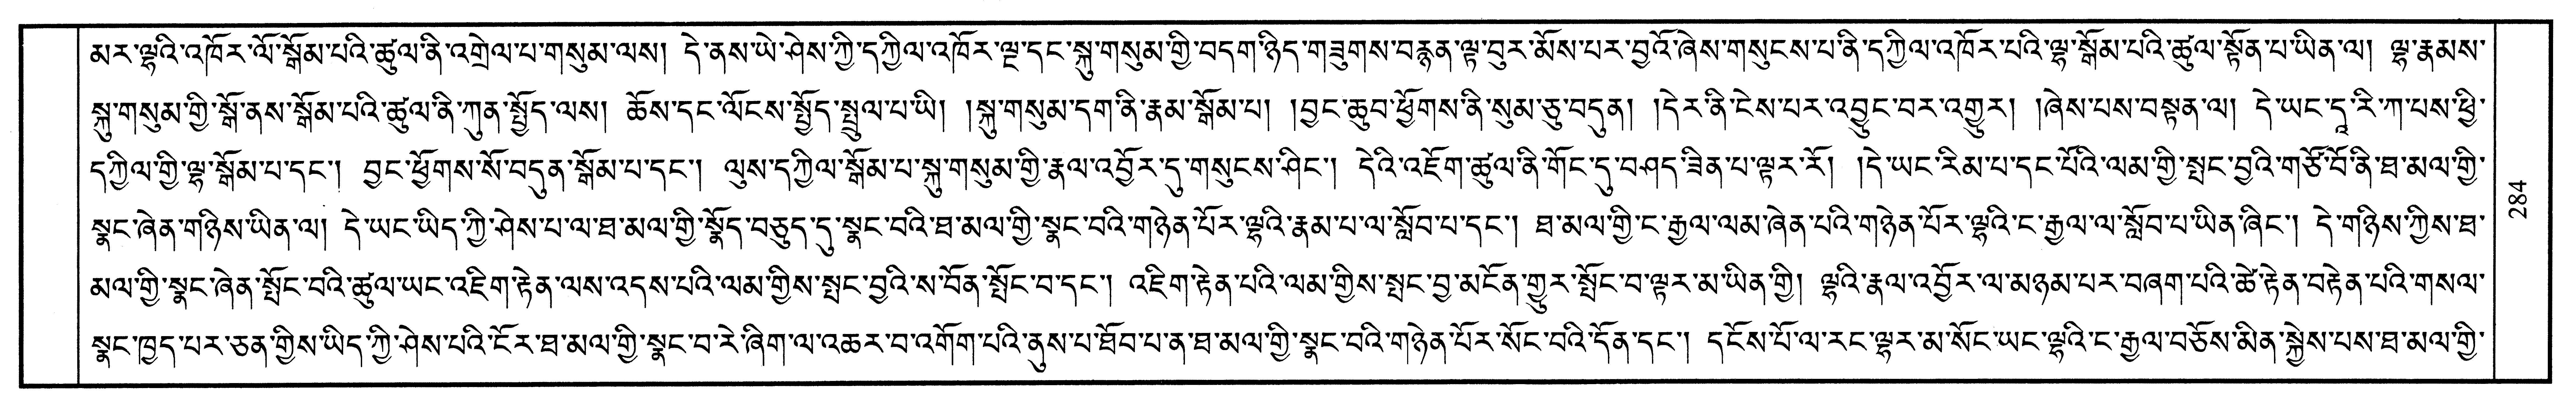མར་ལྷའི་འཁོར་ལོ་སྒོམ་པའི་ཚུལ་ནི་འགྲེལ་པ་གསུམ་ལས། དེ་ནས་ཡེ་ཤེས་ཀྱི་དཀྱིལ་འཁོར་ལྔ་དང་སྐུ་གསུམ་གྱི་བདག་ཉིད་གཟུགས་བརྙན་ལྟ་བུར་མོས་པར་བྱའོ་ཞེས་གསུངས་པ་ནི་དཀྱིལ་འཁོར་པའི་ཚུལ་སྟོན་པ་ཡིན་ལ། ལྷ་རྣམས་
སྐུ་གསུམ་གྱི་སྒོ་ནས་སྒོམ་པའི་ཚུལ་ནི་ཀུན་སྤྱོད་ལས། ཆོས་དང་ལོངས་སྤྱོད་སྤྲུལ་པ་ཡི། །སྐུ་གསུམ་དག་ནི་རྣམ་སྒོམ་པ། །བྱང་ཆུབ་ཕྱོགས་ནི་སུམ་ཅུ་བདུན། །དེར་ནི་ངེས་པར་འབྱུང་བར་འགྱུར། །ཞེས་པས་བསྟན་ལ། དེ་ཡང་དཱ་རི་ཀ་པས་ཕྱི་
དཀྱིལ་གྱི་ལྷ་སྒོམ་པ་དང་། བྱང་ཕྱོགས་སོ་བདུན་སྒོམ་པ་དང་། ལུས་དཀྱིལ་སྒོམ་པ་སྐུ་གསུམ་གྱི་རྣལ་འབྱོར་དུ་གསུངས་ཤིང་། དེའི་འཇོག་ཚུལ་ནི་གོང་དུ་བཤད་ཟིན་པ་ལྟར་རོ། །དེ་ཡང་རིམ་པ་དང་པོའི་ལམ་གྱི་སྤང་བྱའི་གཙོ་བོ་ནི་ཐ་མལ་གྱི་
སྣང་ཞེན་གཉིས་ཡིན་ལ། དེ་ཡང་ཡིད་ཀྱི་ཤེས་པ་ལ་ཐ་མལ་གྱི་སྣོད་བཅུད་དུ་སྣང་བའི་ཐ་མལ་གྱི་སྣང་བའི་གཉེན་པོར་ལྷའི་རྣམ་པ་ལ་སློབ་པ་དང་། ཐ་མལ་གྱི་ང་རྒྱལ་ལམ་ཞེན་པའི་གཉེན་པོར་ལྷའི་ང་རྒྱལ་ལ་སློབ་པ་ཡིན་ཞིང་། དེ་གཉིས་ཀྱིས་ཐ་
མལ་གྱི་སྣང་ཞེན་སྤོང་བའི་ཚུལ་ཡང་འཇིག་རྟེན་ལས་འདས་པའི་ལམ་གྱིས་སྤང་བྱའི་ས་བོན་སྤོང་བ་དང་། འཇིག་རྟེན་པའི་ལམ་གྱིས་སྤང་བྱ་མངོན་གྱུར་སྤོང་བ་ལྟར་མ་ཡིན་གྱི། ལྷའི་རྣལ་འབྱོར་ལ་མཉམ་པར་བཞག་པའི་ཚེ་རྟེན་བརྟེན་པའི་གསལ་
སྣང་ཁྱད་པར་ཅན་གྱིས་ཡིད་ཀྱི་ཤེས་པའི་ངོར་ཐ་མལ་གྱི་སྣང་བ་རེ་ཞིག་ལ་འཆར་བ་འགོག་པའི་ནུས་པ་ཐོབ་པ་ན་ཐ་མལ་གྱི་སྣང་བའི་གཉེན་པོར་སོང་བའི་དོན་དང་། དངོས་པོ་ལ་རང་ལྷར་མ་སོང་ཡང་ལྷའི་ང་རྒྱལ་བཅོས་མིན་སྐྱེས་པས་ཐ་མལ་གྱི་